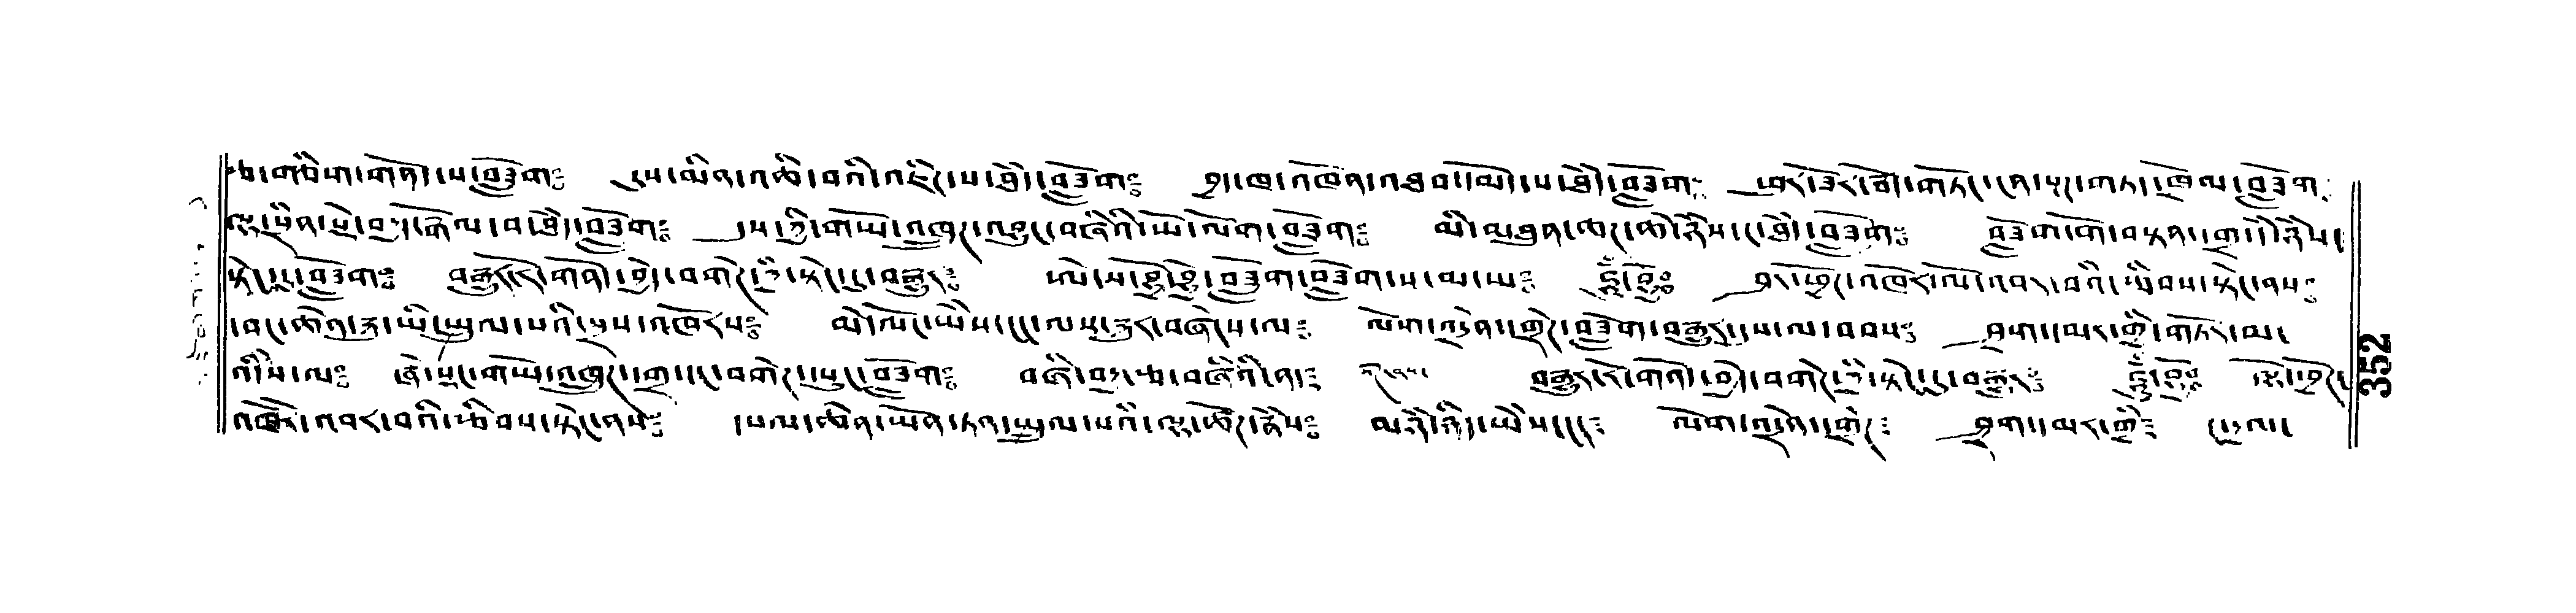རྩ་གཅིག་གནོད་པ་བཟློག༔ དུས་མིན་འཆི་བའི་འཇིགས་པ་ཐམས་ཅད་བཟློག༔ ཕུར་ཟོར་རྦོད་གཏོང་ངན་སྔགས་གཏད་ཁྲམ་བཟློག༔ 
ལྷ་སྲིན་སྡེ་བརྒྱད་རྒོལ་བ་ཐམས་ཅད་བཟློག༔ དུས་ཀྱི་གཡོ་འཁྲུགས་འབྱུང་བཞིའི་ཡོ་ལོག་བཟློག༔ མི་མཐུན་ཆགས་ཆེ་ཉམ་ང་ཐམས་ཅད་བཟློག༔ བཟློག་གོ་བསྟན་དགྲ་དམ་ཉམས་
སྟེང་དུ་བཟློག༔ བསྒྱུར་རོ་གནོད་བྱེད་བགེགས་ཀྱི་སྟེང་དུ་བསྒྱུར༔ ཨེ་ས་བྷྱོ་བྷྱོ་བཟློག་བཟློག་ས་མ་ཡ༔ ཧཱུྃ་བྷྱོཿ ཤར་ཕྱོགས་འཁོར་ལོ་འབར་བའི་རྩིབས་སྟེང་ནས༔ 
དབང་ཆེན་སྐུ་ཡི་སྤྲུལ་པའི་སྲས་འཁོར་བཅས༔ མེ་ལོང་ཡེ་ཤེས་ངང་ལས་སྐུར་བཞེངས་ལ༔ ལོག་འདྲེན་དགྲ་བགེགས་བཟློག་བསྒྱུར་དུས་ལ་བབས༔ ཤ་ཁྲག་དམར་གྱི་གཏོར་མ་
འདི་བཞེས་ལ༔ཞེ་སྡང་གཡོ་འཁྲུགས་དགྲ་དང་བགེགས་དཔུང་བཟློག༔ བཞི་བརྒྱ་རྩ་བཞིའི་ནད༴ སོགས་ནས༔ བསྒྱུར་རོ་གནོད་བྱེད་བགེགས་ཀྱི་སྟེང་དུ་བསྒྱུརཿ ཧཱུྃ་བྷྱོཿ ལྷོ་ཕྱོགས་
འཁོར་ལོ་འབར་བའི་རྩིབས་སྟེང་ནས༔ དཔལ་ཆེན་ཡོན་ཏན་སྤྲུལ་པའི་ལྷ་ཚོགས་རྣམས༔ མཉམ་ཉིད་ཡེ་ཤེས་ངང༴ ལོག་འདྲེན་དགྲ་བགེགས༴ ཤ་ཁྲག་དམར་གྱི༴ ང་རྒྱལ་